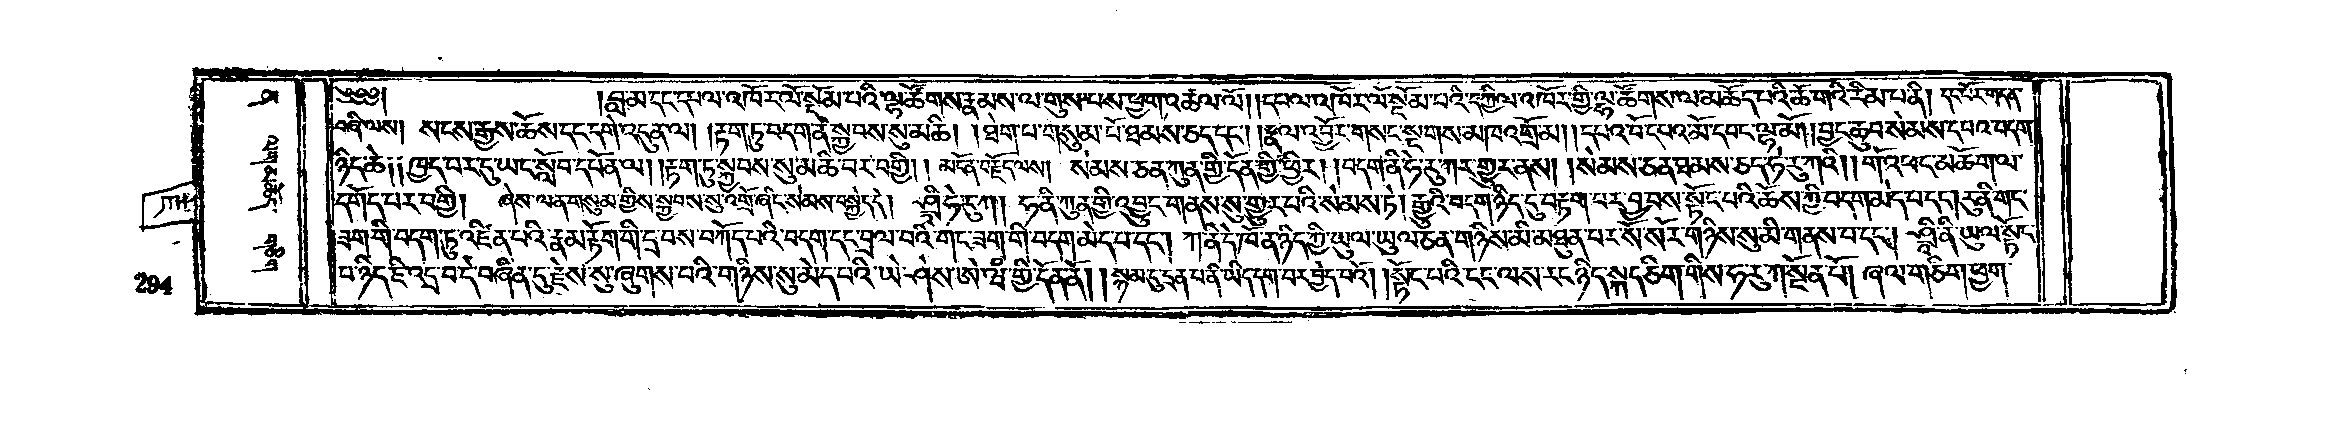༄༅༅། །བླ་མ་དང་དཔལ་འཁོར་ལོ་སྡོམ་པའི་ལྷ་ཚོགས་རྣམས་ལ་གུས་པས་ཕྱག་འཚལ་ལོ། །དཔལ་འཁོར་ལོ་སྡོམ་པའི་དཀྱིལ་འཁོར་གྱི་ལྷ་ཚོགས་ལ་མཆོད་པའི་ཆོ་གའི་རིམ་པ་ནི། དང་པོར་གདན་
བཞི་ལས། སངས་རྒྱས་ཆོས་དང་དགེ་འདུན་ལ། །རྟག་ཏུ་བདག་ནི་སྐྱབས་སུ་མཆི། །ཐེག་པ་གསུམ་པོ་ཐམས་ཅད་དང་། །རྣལ་འབྱོར་གསང་སྔགས་མཁའ་འགྲོ་མ། །དཔའ་བོ་དཔའ་མོ་དབང་ལྷ་མོ། །བྱང་ཆུབ་སེམས་དཔའ་བདག་
ཉིད་ཆེ། །ཁྱད་པར་དུ་ཡང་སློབ་དཔོན་ལ། །རྟག་ཏུ་སྐྱབས་སུ་མཆི་བར་བགྱི། ། མངོན་བརྗོད་ལས།  སེམས་ཅན་ཀུན་གྱི་དོན་གྱི་ཕྱིར། །བདག་ནི་ཧེ་རུ་ཀར་གྱུར་ནས། །སེམས་ཅན་ཐམས་ཅད་ཧེ་རུ་ཀའི། །གོ་འཕང་མཆོག་ལ་
དགོད་པར་བགྱི། ཞེས་ལན་གསུམ་གྱིས་སྐྱབས་སུ་འགྲོ་ཞིང་སེམས་བསྐྱེད་དེ།  ཤྲཱི་ཧེ་རུ་ཀ། ཧ་ནི་ཀུན་གྱི་འབྱུང་གནས་སུ་གྱུར་པའི་སེམས་ཏེ། རྒྱུའི་བདག་ཉིད་དུ་བརྟག་པར་བྱ་བས་སྟོང་པའི་ཆོས་ཀྱི་བདག་མེད་པ་དང་། རུ་ནི་གང་
ཟག་གི་བདག་ཏུ་འཛིན་པའི་རྣམ་རྟོག་གི་དྲ་བས་བཀོད་པའི་བདག་དང་བྲལ་བའི་གང་ཟག་གི་བདག་མེད་པ་དང་། ཀ་ནི་དེ་ཁོ་ན་ཉིད་ཀྱི་ཡུལ་ཡུལ་ཅན་གཉིས་མི་མཐུན་པར་སོ་སོར་གཉིས་སུ་མི་གནས་པ་དང་། ཤྲཱི་ནི་ཡུལ་སྟོང་
པ་ཉིད་ཇི་འདྲ་བ་དེ་བཞིན་དུ་རྗེས་སུ་ཞུགས་པའི་གཉིས་སུ་མེད་པའི་ཡེ་ཤེས་ཨེ་ཝཾ་གྱི་དོན་ནོ། །སྙམ་དུ་དྲན་པ་ནི་ཡིད་དག་པར་བྱེད་པའོ།  །སྟོང་པའི་ངང་ལས་རང་ཉིད་སྐད་ཅིག་གིས་ཧེ་རུ་ཀ་སྔོན་པོ། ཞལ་གཅིག་ཕྱག་